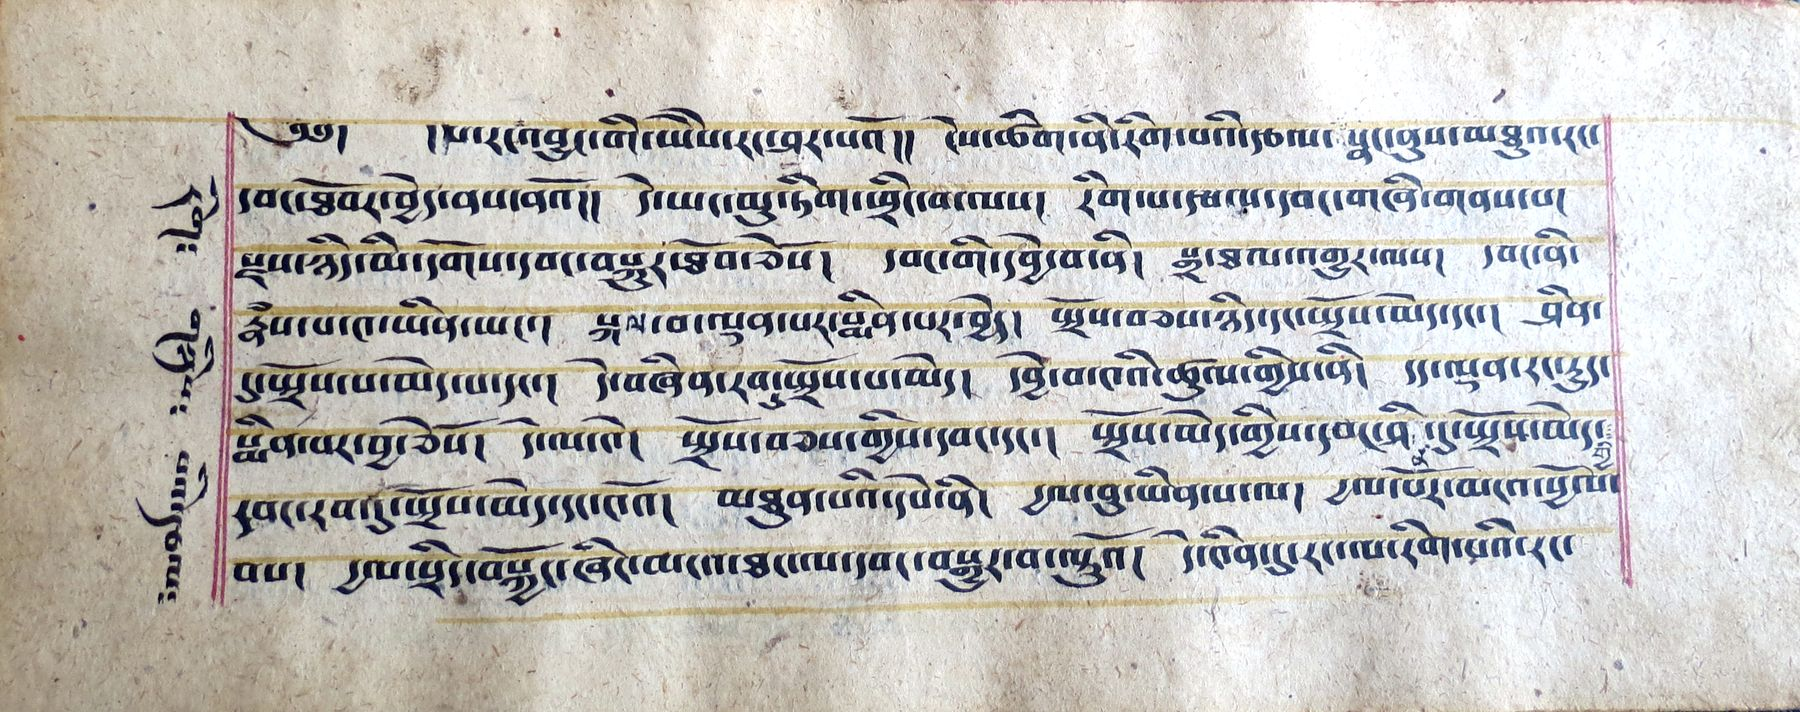པ་རང་འབྱུང་གི་ཡེ་ཤེས་རང་ཤར་བའོ། །ངེས་ཚིག་ནི། རིག་པའི་རྩལ་སྣང་ནུས་མཐུ་རང་
དབང་ཐོབ་པར་བྱེད་པས་ནའོ། །རིག་པ་རྩལ་དབང་གཞི་གནས་པ། 
རྫས་ཉིད་མི་དགོས་རང་དབང་ཐོབ་ཅེས་པའོ། །དབང་གི་དབྱེ་བ་ནི། སྒྲ་ཐལ་འགྱུར་ལས། དབང་ནི་
རྣམ་པ་བཞི་ཡིན་ཡང་། སྐལ་པ་ལྡན་པར་སྨིན་པར་བྱེད། སྤྲོས་བཅས་ཉིད་དང་སྤྲོས་མེད་དང་། ཤིན་
ཏུ་སྤྲོས་པ་མེད་པ་དང་། དེ་བཞིན་རབ་ཏུ་སྤྲོས་པ་མེད། དབྱེ་བ་བཞིའི་ཚུལ་གྱིས་ནི། དད་ལྡན་རང་རྒྱུད་
སྨིན་པར་བྱ། ཅེས་སོ། །དེ་ལ་བཞི། སྤྲོས་བཅས་ཀྱི་དབང་དང་། སྤྲོས་མེད་ཀྱི་དབང་། ཤིན་ཏུ་སྤྲོས་མེད། 
རབ་ཏུ་སྤྲོས་མེད་དང་བཞིའོ། །མཐུན་པའི་དཔེ་ནི། རྒྱལ་བུ་ཡིན་པ་ལ་རྒྱལ་པོར་མངའ་གསོལ་
བས། རྒྱལ་སྲིད་སྐྱོང་ཞིང་མངའ་ཐང་ལ་དབང་བསྒྱུར་བ་ལྟ་བུའོ། །དེ་བཞིན་དུ་རང་ལ་རིག་པའི་རང་